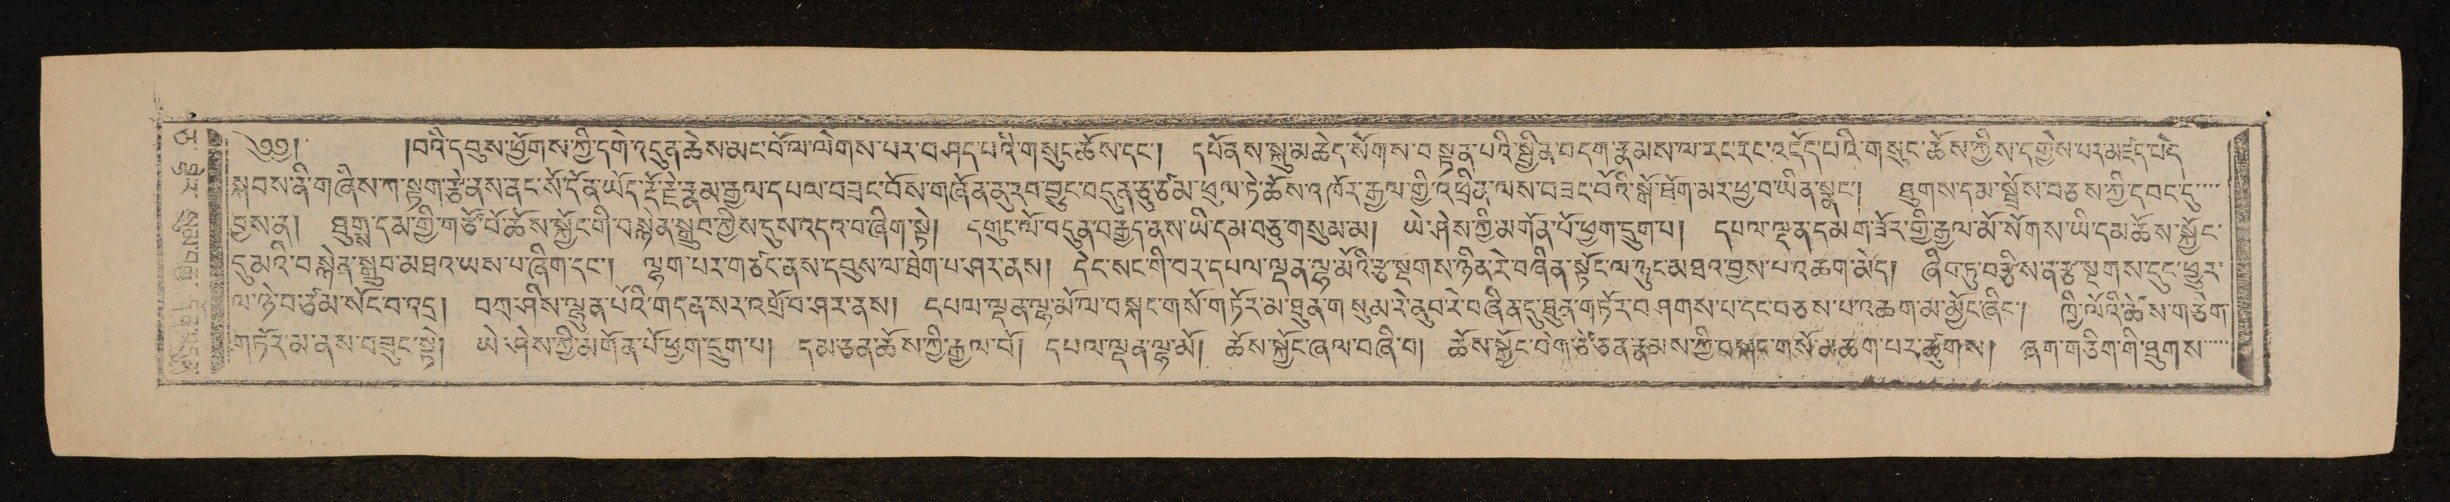༄༅། །པའི་དབུས་ཕྱོགས་ཀྱི་དགེ་འདུན་ཆེས་མང་པོ་ལ་ལེགས་པར་བཤད་པའི་གསུང་ཆོས་དང་། དཔོན་ས་སྐུ་མཆེད་སོགས་བསྟན་པའི་སྦྱིན་བདག་རྣམས་ལ་རང་རང་འདོད་པའི་གསུང་ཆོས་ཀྱིས་དགྱེས་པར་མཛད་པ་དེ་
སྐབས་ནི་གཞིས་ཀ་སྟག་རྩེ་ནས་ནང་སོ་དོན་ཡོད་རྡོ་རྗེ་རྣམ་རྒྱལ་དཔལ་བཟང་པོས་གཞོན་ནུ་རབ་བྱུང་བདུན་ཅུ་ཙམ་ཕུལ་ཏེ་ཆོས་འཁོར་རྒྱལ་གྱི་འཕྲིན་ལས་བཟང་པོའི་སྒོ་ཐོག་མར་ཕྱ་བ་ཡིན་སྣང་། ཐུགས་དམ་སྤྲོས་བཅས་ཀྱི་དབང་དུ་
བྱས་ན། ཐུགས་དམ་གྱི་གཙོ་བོ་ཆོས་སྐྱོང་གི་བསྙེན་སྒྲུབ་ཀྱིས་དུས་འདའ་བ་ཞིག་སྟེ། དགུང་ལོ་བདུན་བརྒྱད་ནས་ཡི་དམ་བཅུ་གསུམ་མ། ཡེ་ཤེས་ཀྱི་མགོན་པོ་ཕྱག་དྲུག་པ། དཔལ་ལྡན་དམག་ཟོར་གྱི་རྒྱལ་མོ་སོགས་ཡི་དམ་ཆོས་སྐྱོང་
དུ་མའི་བསྙེན་སྒྲུབ་མཐའ་ཡས་པ་ཞིག་དང་། ལྷག་པར་གཙང་ནས་དབུས་ལ་ཐེག་པ་ཤར་ནས། དེང་སང་གི་བར་དཔལ་ལྡན་ལྷ་མོའི་རྩ་སྔགས་ཉིན་རེ་བཞིན་སྟོང་ལ་ཉུང་མཐའ་བྱས་པ་འཆག་མེད། ཞིབ་ཏུ་བརྩིས་ན་རྩ་སྔགས་དུང་ཕྱུར་
ལ་ཉེ་བ་ཙམ་སོང་བ་འདྲ། བཀྲ་ཤིས་ལྷུན་པོའི་གདན་སར་འགྲོ་བ་ཤར་ནས། དཔལ་ལྡན་ལྷ་མོ་ལ་བསྐང་གསོ་གཏོར་མ་ཐུན་གསུམ་རེ་ནུབ་རེ་བཞིན་དུ་ཐུན་གཏོར་བཤགས་པ་དང་བཅས་པ་འཆག་མ་མྱོང་ཞིང་། ཁྱི་ལོའི་ཚེས་གཅིག་
གཏོར་མ་ནས་བཟུང་སྟེ། ཡེ་ཤེས་ཀྱི་མགོན་པོ་ཕྱག་དྲུག་པ། དམ་ཅན་ཆོས་ཀྱི་རྒྱལ་པོ། དཔལ་ལྡན་ལྷ་མོ། ཆོས་སྐྱོང་ཞལ་བཞི་པ། ཆོས་སྐྱོང་བེག་ཙོ་ཅན་རྣམས་ཀྱི་བསྐང་གསོ་མཆག་པར་ཚུགས། ཞག་གཅིག་གི་ཐུགས་